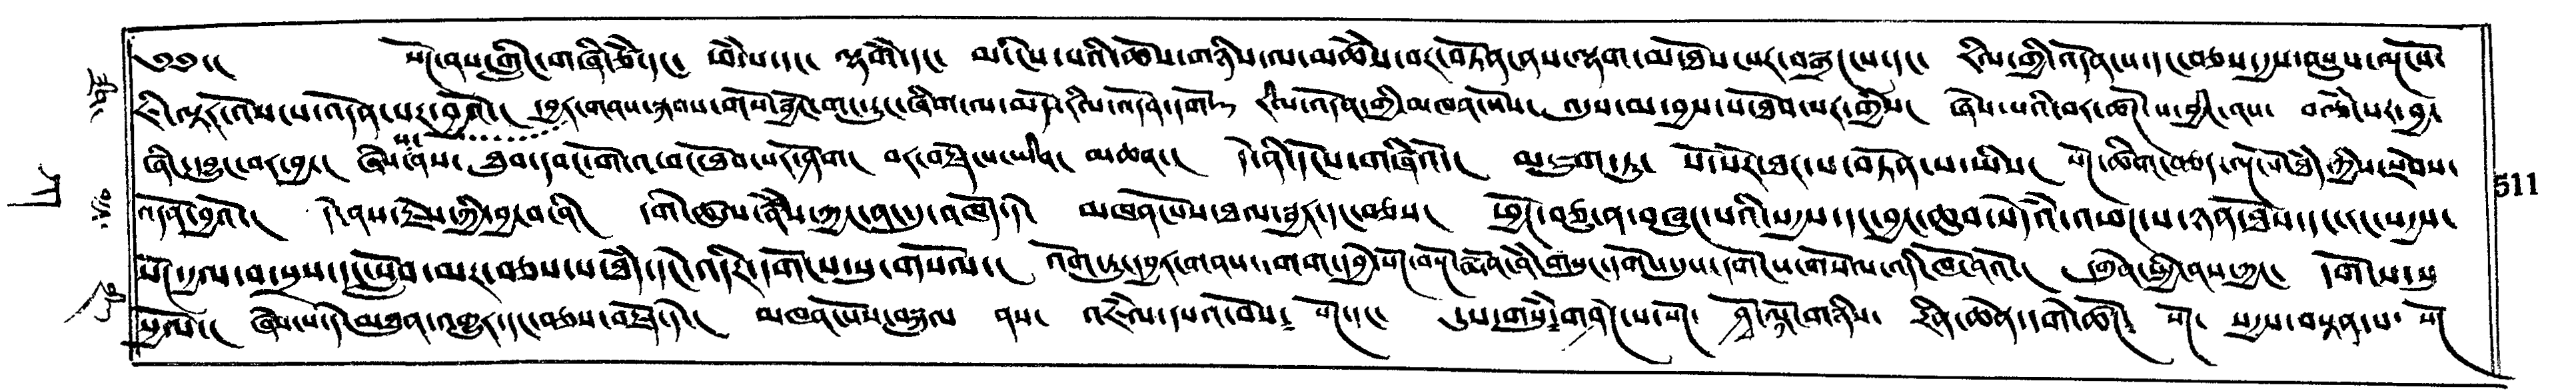སོགས་ནས་གླེང་གཞི་ཙམ་དང་། ཕམ་པ་དང་། ལྷག་མ་དང་། མ་ངེས་པའི་ཆོས་གཉིས་ལ་མཚམས་བར་བཏོན་ནས་ལྷག་མ་ཐོས་པར་བསྒྲགས་པ་དང་། རིལ་གྱི་འདོན་པ་དང་བཅས་རྒྱས་བསྡུས་ལྔ་པོ་
ཇི་ལྟར་འོས་པ་འདོན་པར་བྱའོ།། ༼དབྱར་གནས་སྐབས་གསོ་སྦྱོང་གང་རུང་ཞིག་ལ་མདོ་རིལ་འདོན་དགོས། རིལ་འདོན་གྱི་མཁན་པོས། འདུས་མ་བྱས་པ་ཐོབ་པར་གྱིས།། ཞེས་པའི་བར་ཚོགས་པ་བྱིངས་ནས། བརྩམ་པར་བྱ་
ཞིང་དབྱུང་བར་བྱ།། ཞེས་པ་ནས། ཐུབ་དབང་གོ་འཕང་ཐོབ་པར་ཤོག ། བར་བརྗོད་པ་ཡིན། མཆན།༽ དེ་ནི་དངོས་གཞིའོ།། མཇུག་ཏུ། སོ་སོར་ཐར་པ་བཏོན་པ་ཡིས།། སོགས་ཚིགས་བཅད་ལྔ་པོ་ཐམས་ཅད་གྱིས་བསྡེབ་
འདོན་བྱའོ།། དེ་ནས་རྗེས་ཀྱི་བྱ་བ་ནི། དགེ་ཚུལ་རྣམས་ཀྱང་ནང་དུ་འཁོད་དེ། མཁན་པོས་ཐལ་སྦྱར་དང་བཅས། ཕྱོགས་བཅུ་ན་བཞུགས་པའི་སངས་རྒྱས་དང་བྱང་ཆུབ་སེམས་དཔའ་འཕགས་པ་ཉན་ཐོས་དང་རང་སངས་རྒྱས་
སོགས་རྒྱལ་བ་སྲས་དང་སློབ་མར་བཅས་པ་ཐམས་ཅད་དེང་འདིར་དགོངས་སུ་གསོལ། འོག་ཏུ་དབྱར་གནས་དགག་དབྱེ་སོགས་བསྔོ་སྨོན་ནམ་གསུང་དགོས་དུས་དགོངས་གསོལ་འདི་ཁོ་ནའོ།།དགེ་འདུན་སྤྱི་ནས་ཀྱང་། དགོངས་སུ་
གསོལ། ཞེས་པ་དེ་མཐུན་འགྱུར་དང་བཅས་བརྗོད་དེ། མཁན་པོས་བསྐུལ་ནས། འཇམ་དཔལ་དཔའ་བོས༴ སོགས་དང་། དུས་གསུམ་གཤེགས་པ་སོགས་ཤྭོ་ལོ་ཀ་གཉིས། རིན་ཆེན་དགེ་ཚོགས་སོགས། སངས་རྒྱས་བསྟན་པ་སོགས།